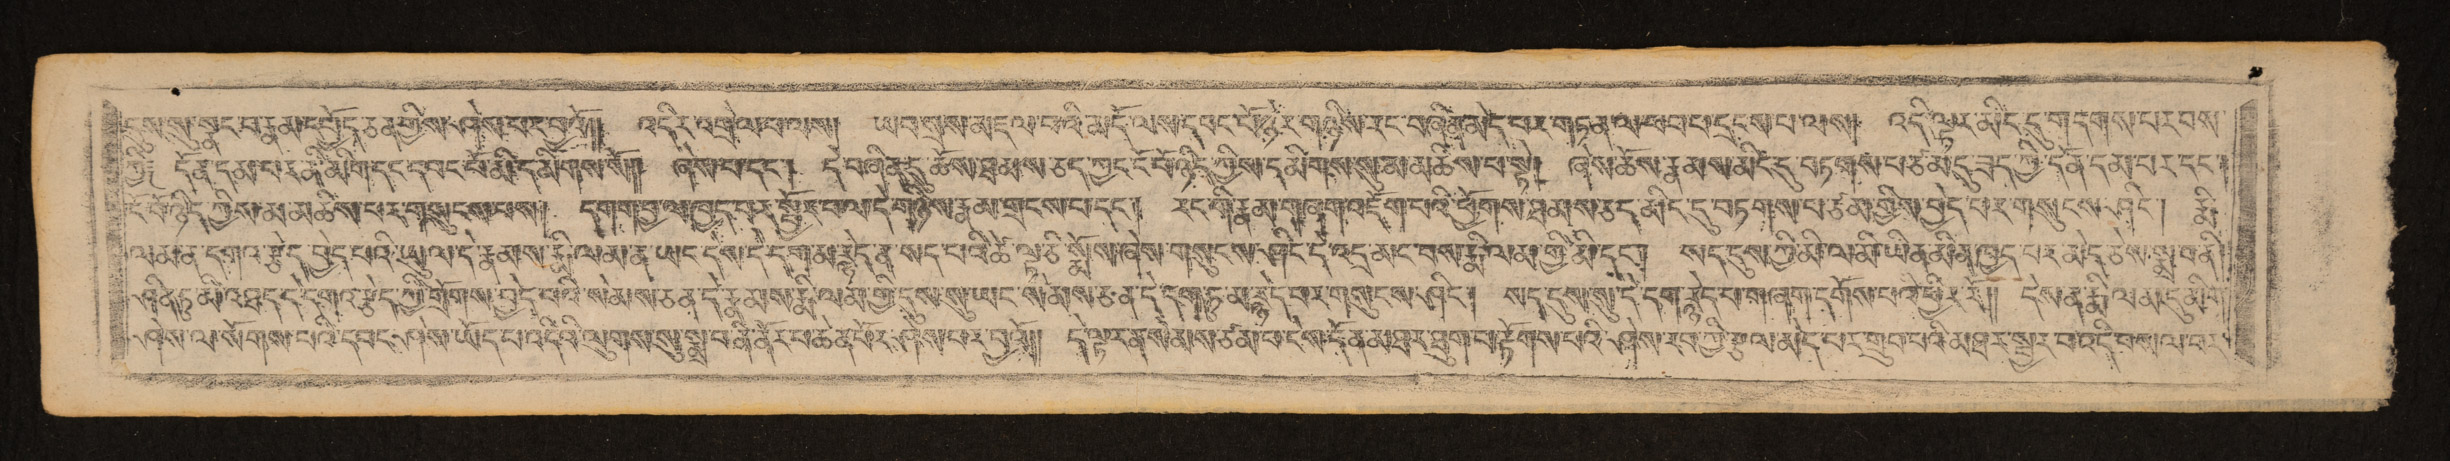དུས་སུ་སྣང་བ་རྣམ་དཔྱོད་ཅན་གྱིས་ཤེས་པར་བྱའོ།། འདིར་འགྲེལ་པ་ལས། ཡབ་སྲས་མཇལ་བའི་མདོ་ལས་དབང་པོ་ཉེར་གཉིས་རང་བཞིན་མེད་པར་གཏན་ལ་ཕབ་པ་དྲངས་པ་ལས། འདི་ལྟར་མིང་དུ་གདགས་པར་བས་
ཀྱི༑ དོན་དམ་པར་ནི་མིག་དང་དབང་པོ་མི་དམིགས་སོ།། ཞེས་པ་དང་། དེ་བཞིན་དུ་ཆོས་ཐམས་ཅད་ཀྱང་ངོ་བོ་ཉིད་ཀྱིས་དམིགས་སུ་མ་མཆིས་པ་སྟེ། ཞེས་ཆོས་རྣམས་མིང་དུ་བཏགས་པ་ཙམ་དུ་ཟད་ཀྱི་དོན་དམ་པར་དང་།
ངོ་བོ་ཉིད་ཀྱིས་མ་མཆིས་པར་གསུངས་པས། དགག་བྱ་ལ་ཁྱད་པར་སྦྱོར་བ་ལ་དེ་གཉིས་རྣམ་གྲངས་པ་དང་། རང་གི་རྣམ་གཞག་འཇོག་པའི་ཕྱོགས་ཐམས་ཅད་མིང་དུ་བཏགས་པ་ཙམ་གྱིས་བྱེད་པར་གསུངས་ཤིང་། རྨི་
ལམ་ན་དགའ་རྩེད་བྱེད་པའི་ཡུལ་དེ་རྣམས་རྨི་ལམ་ན་ཡང་དེས་དེ་དག་མ་རྙེད་ན་སད་པའི་ཚེ་ལྟ་ཅི་སྨོས་ཞེས་གསུངས་ཤིང་དེ་འདྲ་མང་བས་རྨི་ལམ་གྱི་མི་དང་། སད་དུས་ཀྱི་མི་ལ་མི་ཡིན་མིན་ཁྱད་པར་མེད་ཅེས་སྨྲ་བ་ནི།
ཤིན་ཏུ་མི་འཐད་དེ་དགའ་རྩེད་ཀྱི་གྲོགས་བྱེད་པའི་སེམས་ཅན་དེ་རྣམས་རྨི་ལམ་གྱི་དུས་སུ་ཡང་སེམས་ཅན་དེ་དག་ཏུ་མ་རྙེད་པར་གསུངས་ཤིང་། སད་དུས་སུ་དེ་དག་རྙེད་པ་གཞག་དགོས་པའི་ཕྱིར་རོ།། དེས་ན་རྨི་ལམ་དུ་མིག་
ཤེས་ལ་སོགས་པའི་དབང་ཤེས་ཡོད་པ་འདིའི་ལུགས་སུ་སྨྲ་བ་ནི་ནོར་པ་ཆེན་པོར་ཤེས་པར་བྱའོ།། དེ་ལྟར་ན་སེམས་ཙམ་པ་ངེས་དོན་མཐར་ཐུག་པ་རྟོགས་པའི་ཤེས་རབ་ཀྱི་རྩལ་མེད་པར་གྲུབ་པའི་མཐར་སྦྱར་བ་འདི་བསལ་བར་